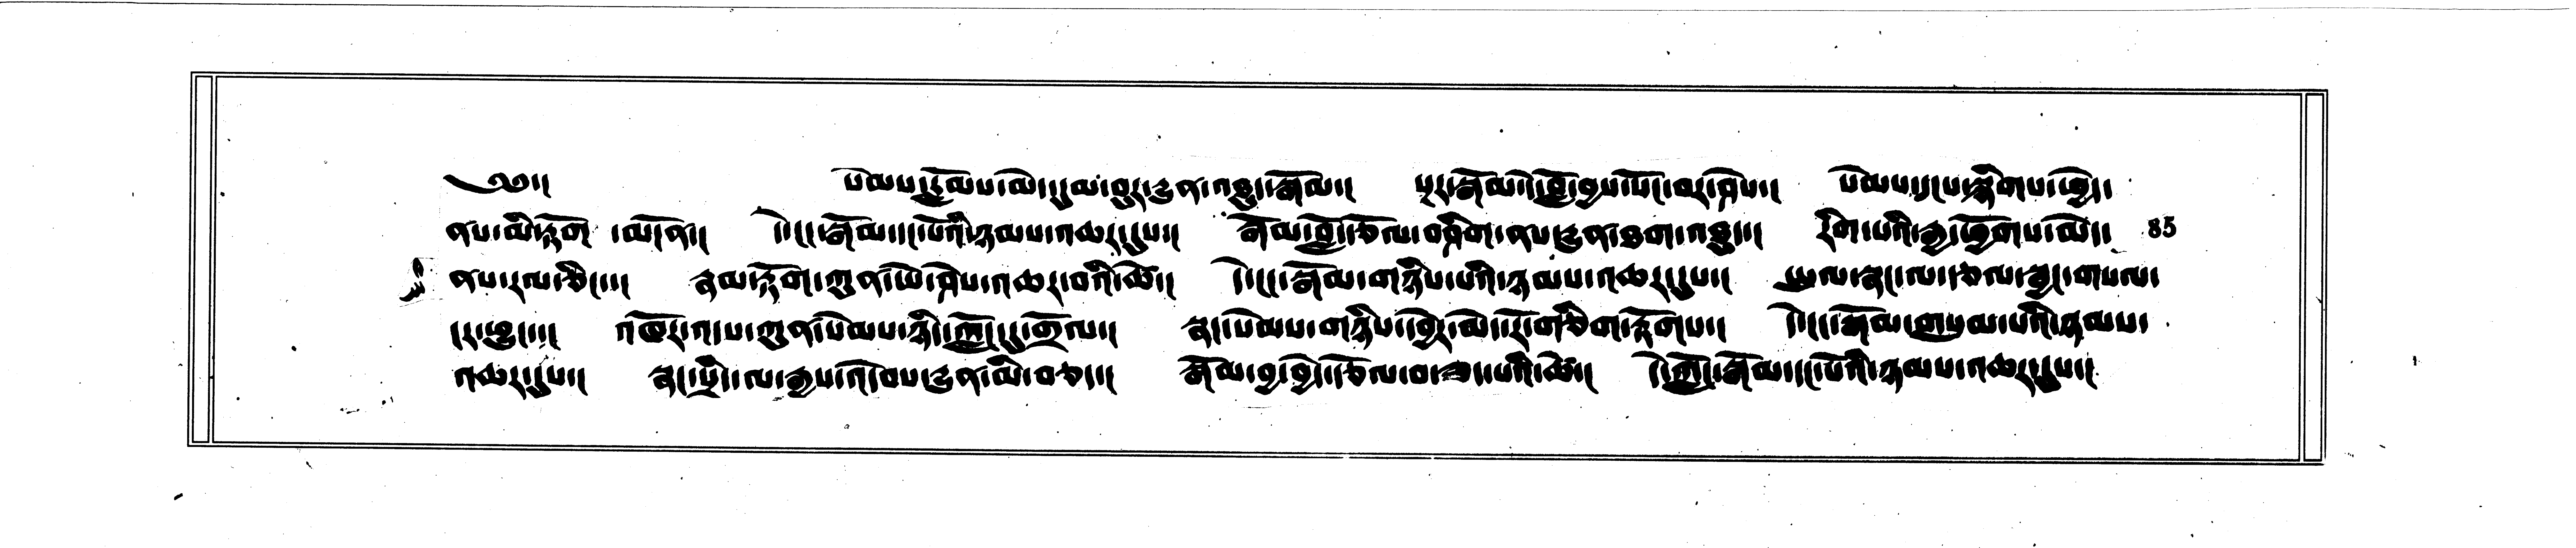སེམས་རློམ་མེད་དུམ་བུར་རྒྱུན་མཐུད་སྒོམ། །སྔར་སྒོམ་དེ་བློ་བྱས་སོང་བར་ཤེས། །སེམས་དངས་སྙིགས་ཕྱེད་
ནས་མི་རྟོག་མངོན། །དེ་ངང་སྒོམ་དང་པོའི་ཉམས་འཆར་དུས། །སྒོམ་བློ་རྩོལ་བཤིག་ནས་རྒྱུན་ཐག་འཐུད། །རིག་པའི་རྒྱ་ཕྱོགས་མེད་
ནས་རལ་ཅིང་། །རྣམ་རྟོག་ཀུན་ཡེ་ཤེས་འཆར་བའི་ཚེ། །དེ་ངང་སྒོམ་གཉིས་པའི་ཉམས་འཆར་དུས། །ཡུལ་སྣང་ལ་རྩལ་སྦྱང་གསལ་
ངར་ཕྱུང་། །འཁོར་འདས་ཀུན་སེམས་ཉིད་ཀློང་དུ་གྲོལ། །སྣང་སེམས་གཉིས་དབྱེར་མེད་རོ་གཅིག་རྟོགས། །དེ་ངང་སྒོམ་གསུམ་པའི་ཉམས་
འཆར་དུས། །སྣང་སྲིད་ལ་རྒྱས་འདེབས་རྒྱུན་མི་བཅད། །སྒོམ་བྱ་བྱེད་རྩོལ་བ་ཟད་པའི་ཚེ། །དེ་ཀློང་སྒོམ་དང་པོའི་ཉམས་འཆར་དུས། །